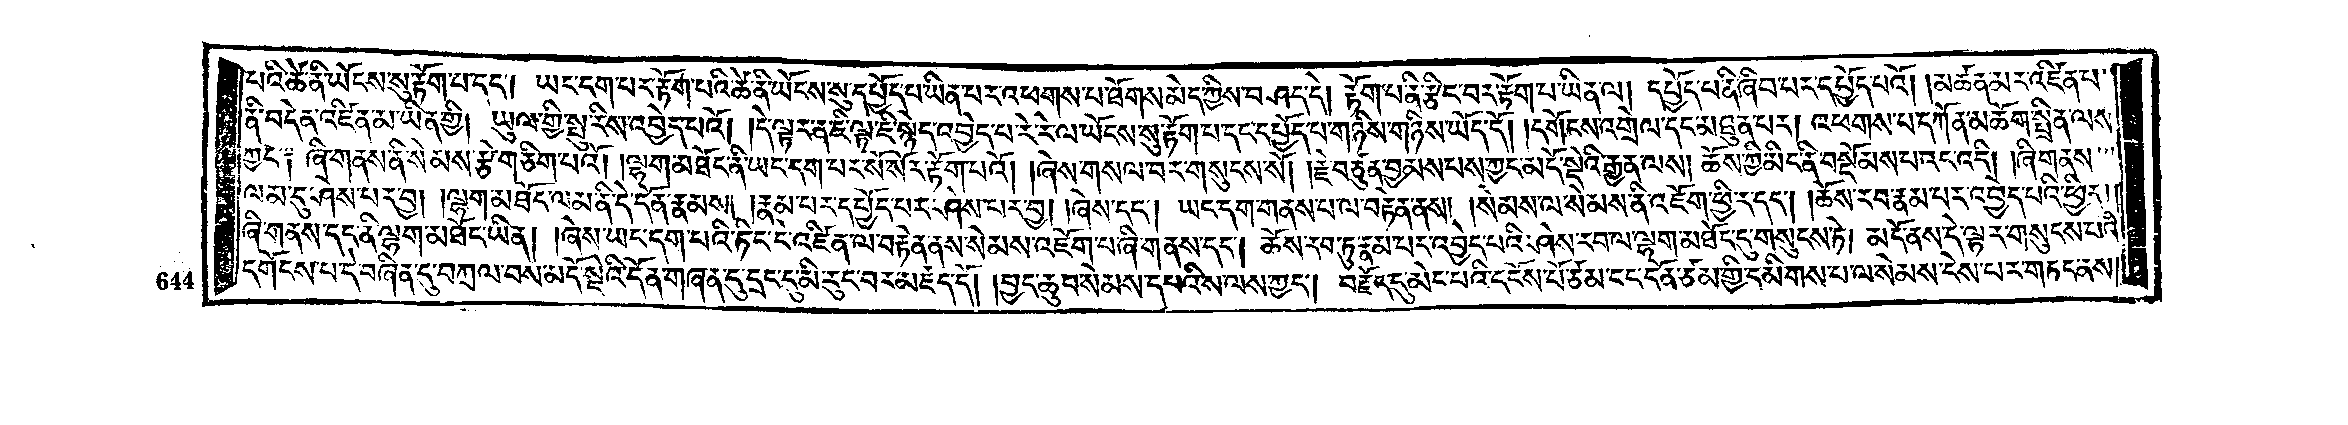པའི་ཚེ་ནི་ཡོངས་སུ་རྟོག་པ་དང་། ཡང་དག་པར་རྟོག་པའི་ཚེ་ནི་ཡོངས་སུ་དཔྱོད་པ་ཡིན་པར་འཕགས་པ་ཐོགས་མེད་ཀྱིས་བཤད་དེ། རྟོག་པ་ནི་རྩིང་བར་རྟོག་པ་ཡིན་ལ། དཔྱོད་པ་ནི་ཞིབ་པར་དཔྱོད་པའོ། །མཚན་མར་འཛིན་པ་
ནི་བདེན་འཛིན་མ་ཡིན་གྱི། ཡུལ་གྱི་སྤུ་རིས་འབྱེད་པའོ། །དེ་ལྟར་ན་ཇི་ལྟ་ཇི་སྙེད་འབྱེད་པ་རེ་རེ་ལ་ཡོངས་སུ་རྟོག་པ་དང་དཔྱོད་པ་གཉིས་གཉིས་ཡོད་དོ། །དགོངས་འགྲེལ་དང་མཐུན་པར། འཕགས་པ་དཀོན་མཆོག་སྤྲིན་ལས་
ཀྱང༑ ཞི་གནས་ནི་སེམས་རྩེ་གཅིག་པའོ། །ལྷག་མཐོང་ནི་ཡང་དག་པར་སོ་སོར་རྟོག་པའོ། །ཞེས་གསལ་བར་གསུངས་སོ། །རྗེ་བཙུན་བྱམས་པས་ཀྱང་མདོ་སྡེའི་རྒྱན་ལས། ཆོས་ཀྱི་མིང་ནི་བསྡོམས་པའང་འདི། །ཞི་གནས་
ལམ་དུ་ཤེས་པར་བྱ། །ལྷག་མཐོང་ལམ་ནི་དེ་དོན་རྣམས། །རྣམ་པར་དཔྱོད་པར་ཤེས་པར་བྱ། །ཞེས་དང་། ཡང་དག་གནས་པ་ལ་བརྟེན་ནས། །སེམས་ལ་སེམས་ནི་འཇོག་ཕྱིར་དང་། །ཆོས་རབ་རྣམ་པར་འབྱེད་པའི་ཕྱིར། །
ཞི་གནས་དང་ནི་ལྷག་མཐོང་ཡིན། །ཞེས་ཡང་དག་པའི་ཏིང་ངེ་འཛིན་ལ་བརྟེན་ནས་སེམས་འཇོག་པ་ཞི་གནས་དང་། ཆོས་རབ་ཏུ་རྣམ་པར་འབྱེད་པའི་ཤེས་རབ་ལ་ལྷག་མཐོང་དུ་གསུངས་ཏེ། མདོ་ནས་དེ་ལྟར་གསུངས་པའི་
དགོངས་པ་དེ་བཞིན་དུ་བཀྲལ་བས་མདོ་སྡེའི་དོན་གཞན་དུ་དྲང་དུ་མི་རུང་བར་མཛད་དོ། །བྱང་ཆུབ་སེམས་དཔའི་ས་ལས་ཀྱང་། བརྗོད་དུ་མེད་པའི་དངོས་པོ་ཙམ་དང་དོན་ཙམ་གྱི་དམིགས་པ་ལ་སེམས་ངེས་པར་གཏད་ནས།